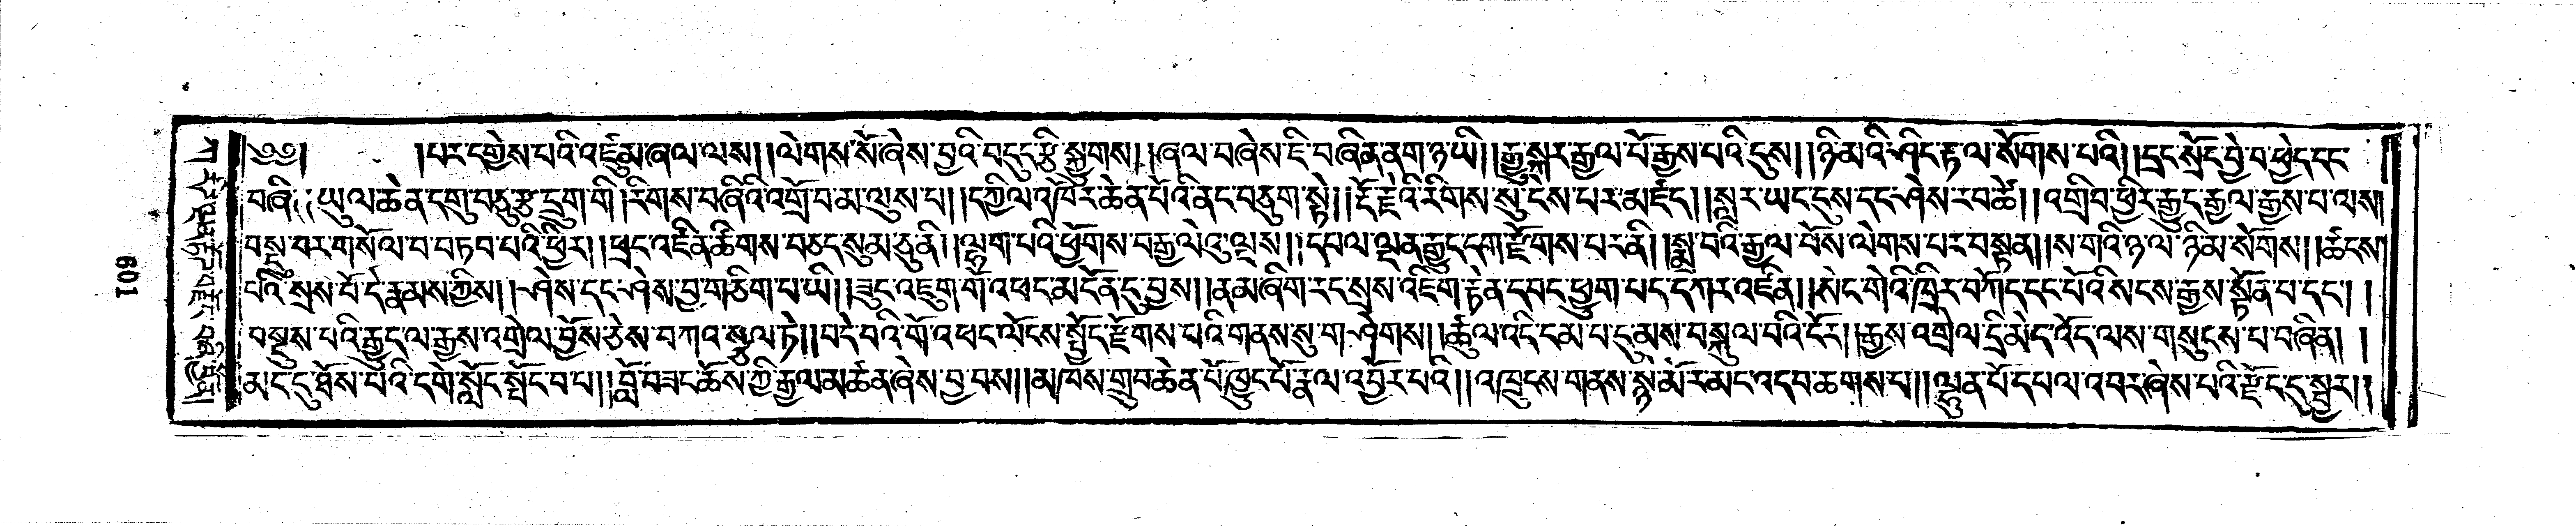༄༅། །པར་དགྱེས་པའི་འཛུམ་ཞལ་ལས། །ལེགས་སོ་ཞེས་བྱའི་བདུད་རྩི་སྐྱུགས། །ཞལ་བཞེས་ཇི་བཞིན་ནག་ཉ་ཡི། །རྒྱུ་སྐར་རྒྱལ་པོ་རྒྱས་པའི་དུས། །ཉི་མའི་ཤིང་རྟ་ལ་སོགས་པའི། །དྲང་སྲོང་བྱེ་བ་ཕྱེད་དང་
བཞི། །ཡུལ་ཆེན་དགུ་བཅུ་རྩ་དྲུག་གི །རིགས་བཞིའི་འགྲོ་བ་མ་ལུས་པ། །དཀྱིལ་འཁོར་ཆེན་པོའི་ནང་བཅུག་སྟེ། །རྡོ་རྗེའི་རིགས་སུ་ངེས་པར་མཛད། །སླར་ཡང་དུས་དང་ཤེས་རབ་ཆེ། །འགྲིབ་ཕྱིར་རྒྱང་རྒྱལ་རྒྱས་པ་ལས་
བསྡུ་བར་གསོལ་བ་བཏབ་པའི་ཕྱིར། །བྲང་འཛིན་ཚིགས་བཅད་སུམ་ཅུ་ནི། །ལྷག་པའི་ཕྱོགས་བརྒྱ་ལེའུ་ལྔས། །དཔལ་ལྡན་རྒྱུད་དག་རྫོགས་པར་ནི། །སྨྲ་བའི་རྒྱལ་པོས་ལེགས་པར་བསྟན། །ས་གའི་ཉ་ལ་ཉི་མ་སོགས། །ཚངས་
པའི་སྲས་པོ་དེ་རྣམས་ཀྱིས། །ཤེས་དང་ཤེས་བྱ་གཅིག་པ་ཡི། །ཟུང་འཇུག་གོ་འཕང་མངོན་དུ་བྱས། །ནམ་ཞིག་རང་སྲས་འཇིག་རྟེན་དབང་ཕྱུག་པད་དཀར་འཛིན། །སེང་གེའི་ཁྲིར་བཀོད་དང་པོའི་སངས་རྒྱས་སྟོན་པ་དང་། །
བསྡུས་པའི་རྒྱུད་ལ་རྒྱས་འགྲེལ་བྱོས་ཅེས་བཀའ་སྩལ་ཏེ། །བདེ་བའི་གོ་འཕང་ལོངས་སྤྱོད་རྫོགས་པའི་གནས་སུ་གཤེགས། །ཚུལ་འདི་དམ་པ་དུ་མས་བསྐུལ་བའི་ངོར། །རྒྱས་འགྲེལ་དྲི་མེད་འོད་ལས་གསུངས་པ་བཞིན། །
མང་དུ་ཐོས་པའི་དགེ་སློང་སྤོང་བ་པ། །བློ་བཟང་ཆོས་ཀྱི་རྒྱལ་མཚན་ཞེས་བྱ་བས། །མཁས་གྲུབ་ཆེན་པོ་ཁྱུང་པོ་རྣལ་འབྱོར་པའི། །འཁྲུངས་གནས་སྙེ་མོ་ར་མང་འདབ་ཆགས་པ། །ལྷུན་པོ་དཔལ་འབར་ཞེས་པའི་རྫོང་དུ་སྦྱར། །